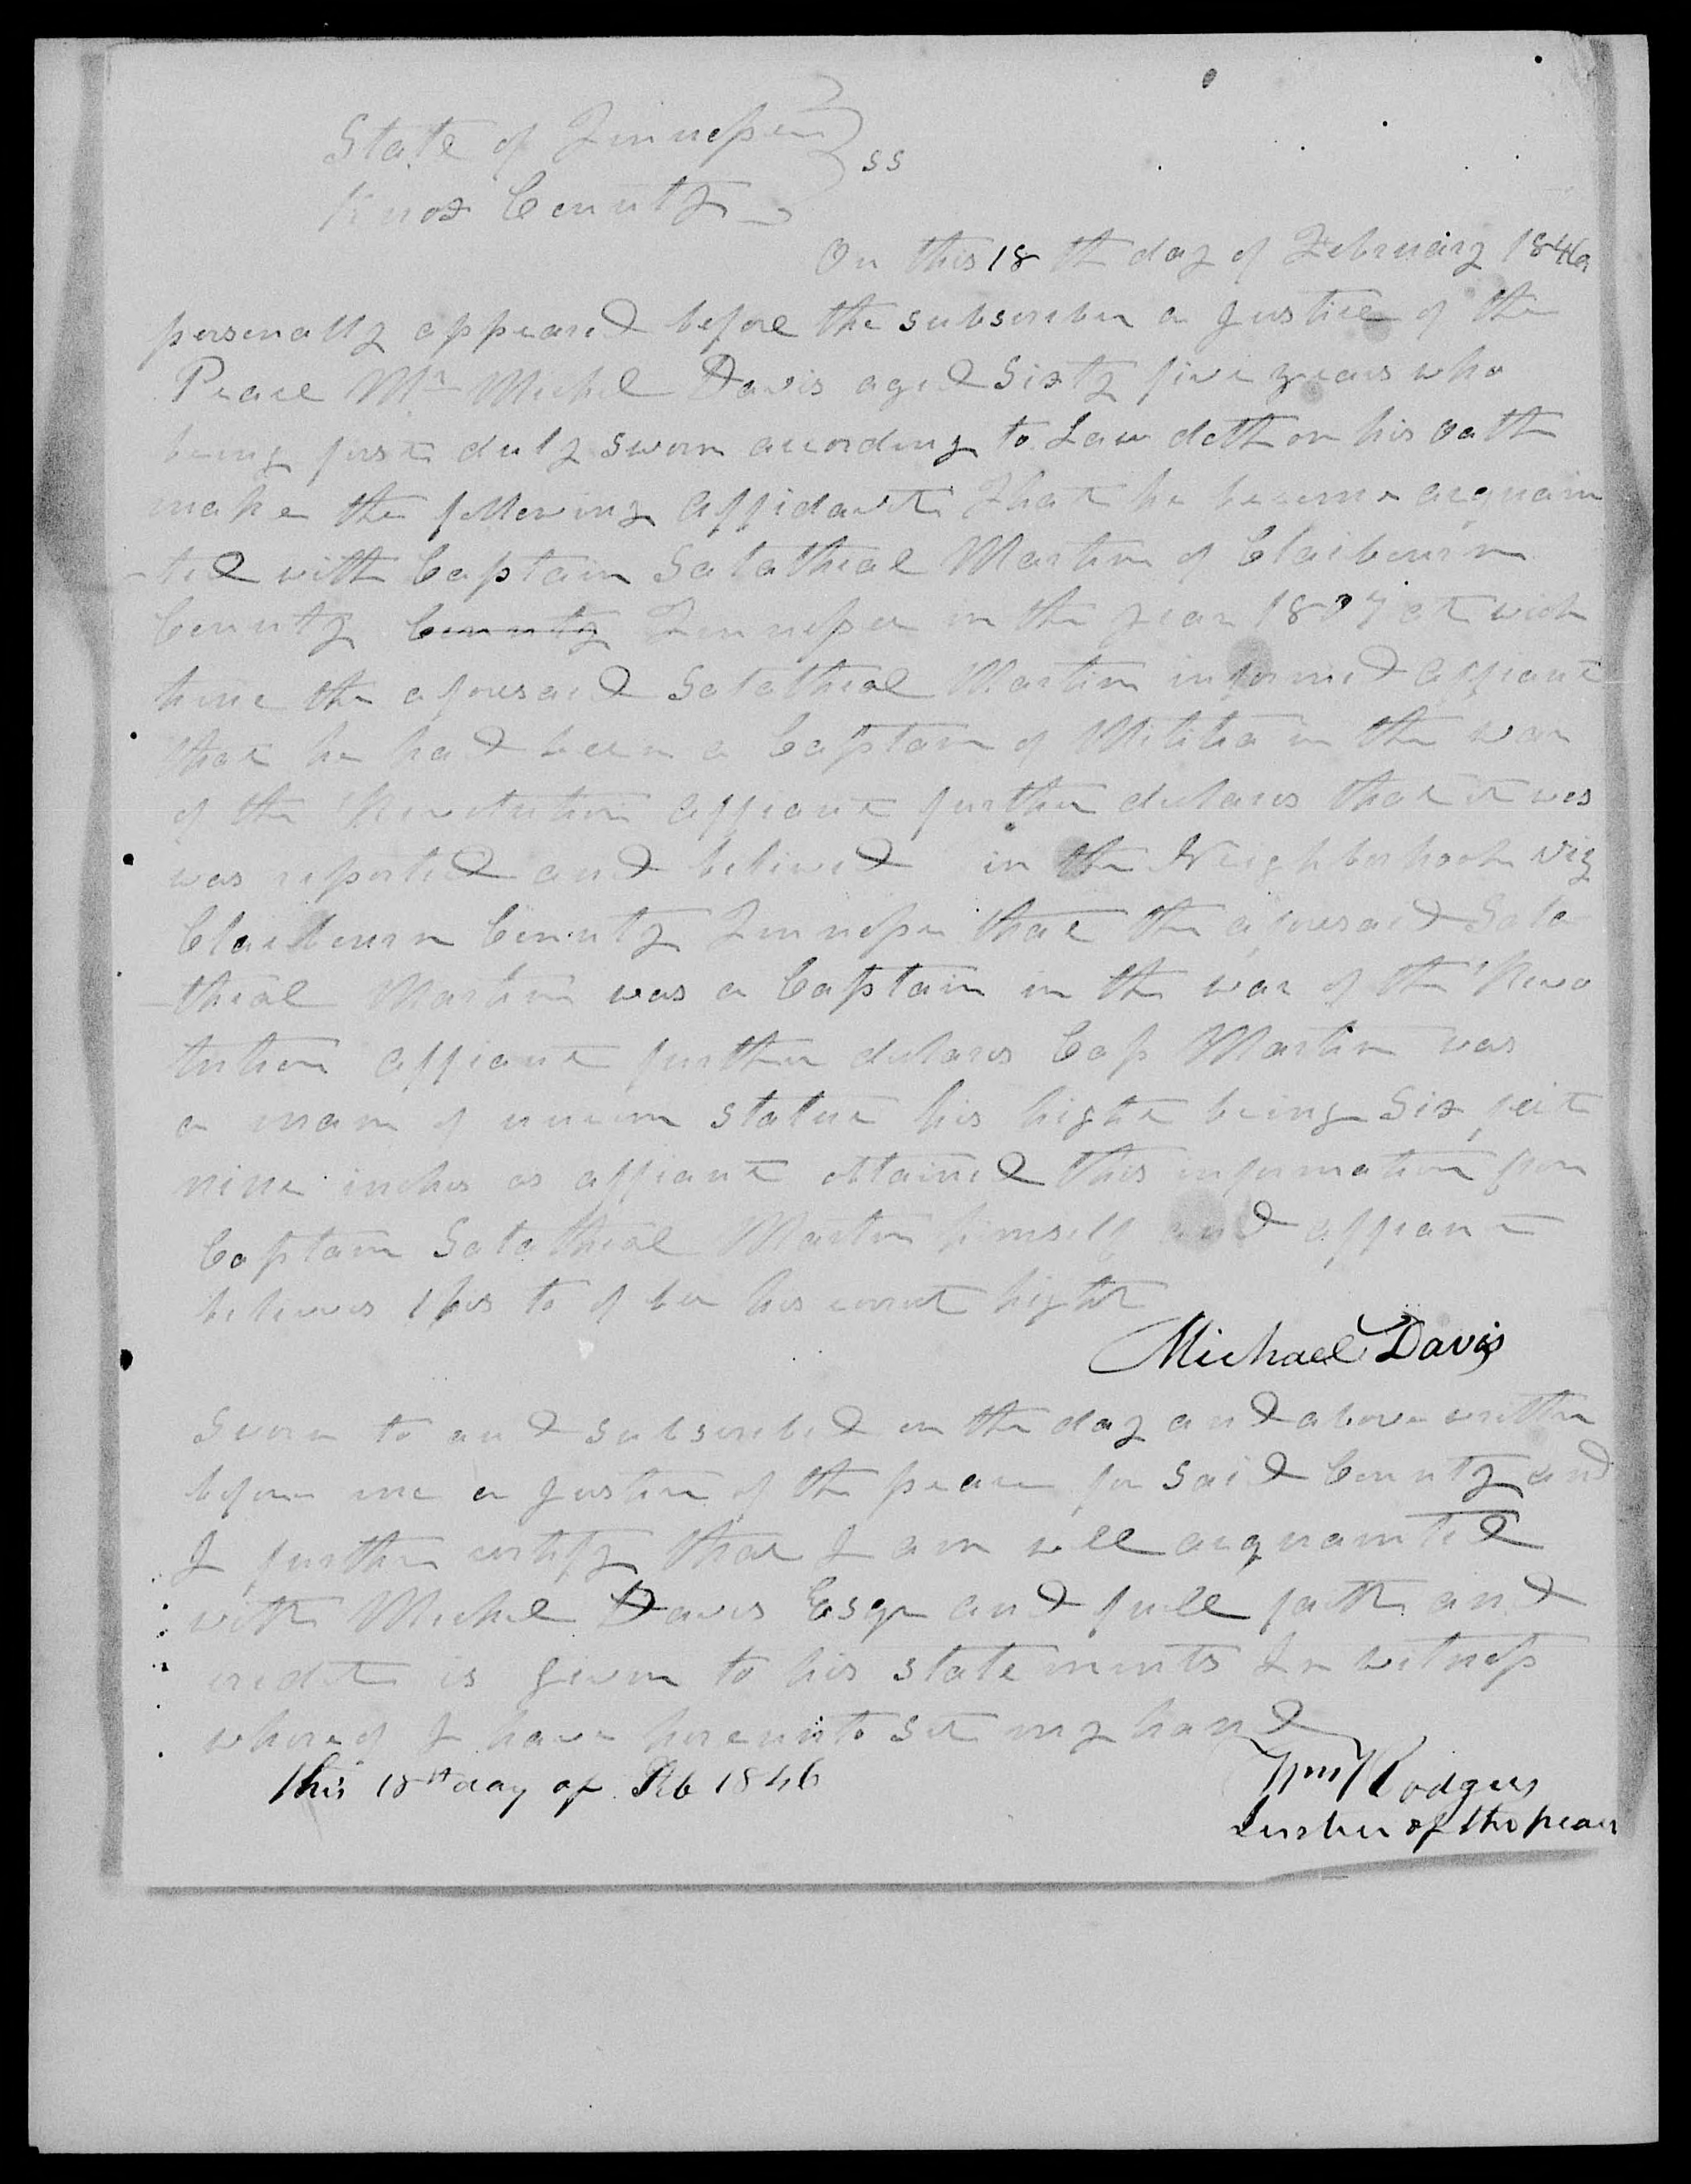State of Tennessee )
Knox County           )ss
On this 18th day of February 1846
personally appeared before the subscriber a Justice of the
Peace Mr Michel Davis aged sixty five years who
being first duly sworn according to Law doth on his oath
make the following affidavit that he became acquain
ted with Captain Salathial Martin of Claibourn
County County Tennessee in the year 1807 at wich [which]
time the aforesaid Salathial Martin informed affiant
that he had been a Captain of Militia in the war
of the Revolution affiant further declares that it was
was reported and believed in the Neighborhood viz
Claibourn County Tennessee that the aforesaid Sale
thial Martin was a Captain in the war of the Revo
lution affiant further declares Cap Martin was 
a man of [illegible] statue [stature] his hight [height] being six feet
nine inches as affiant obtained this information from
Captain Salathial Martin himself and affiant
believes this to of be his correct higth {height]
Michael Davis

Sworn to and subscribed on the day and above written 
before me a Justice of the peace for said County and
I further certify that I am well acquainted 
with
Michel Davis Esqr and full faith and
credit is given to his statements In witness
whereof I have hereunto set my hand
this 18th day of Feb 1846
Wm Rodgers
Justice of the peace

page: 54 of 120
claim: widow's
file: W. 1044, for Salathiel Martin, North Carolina